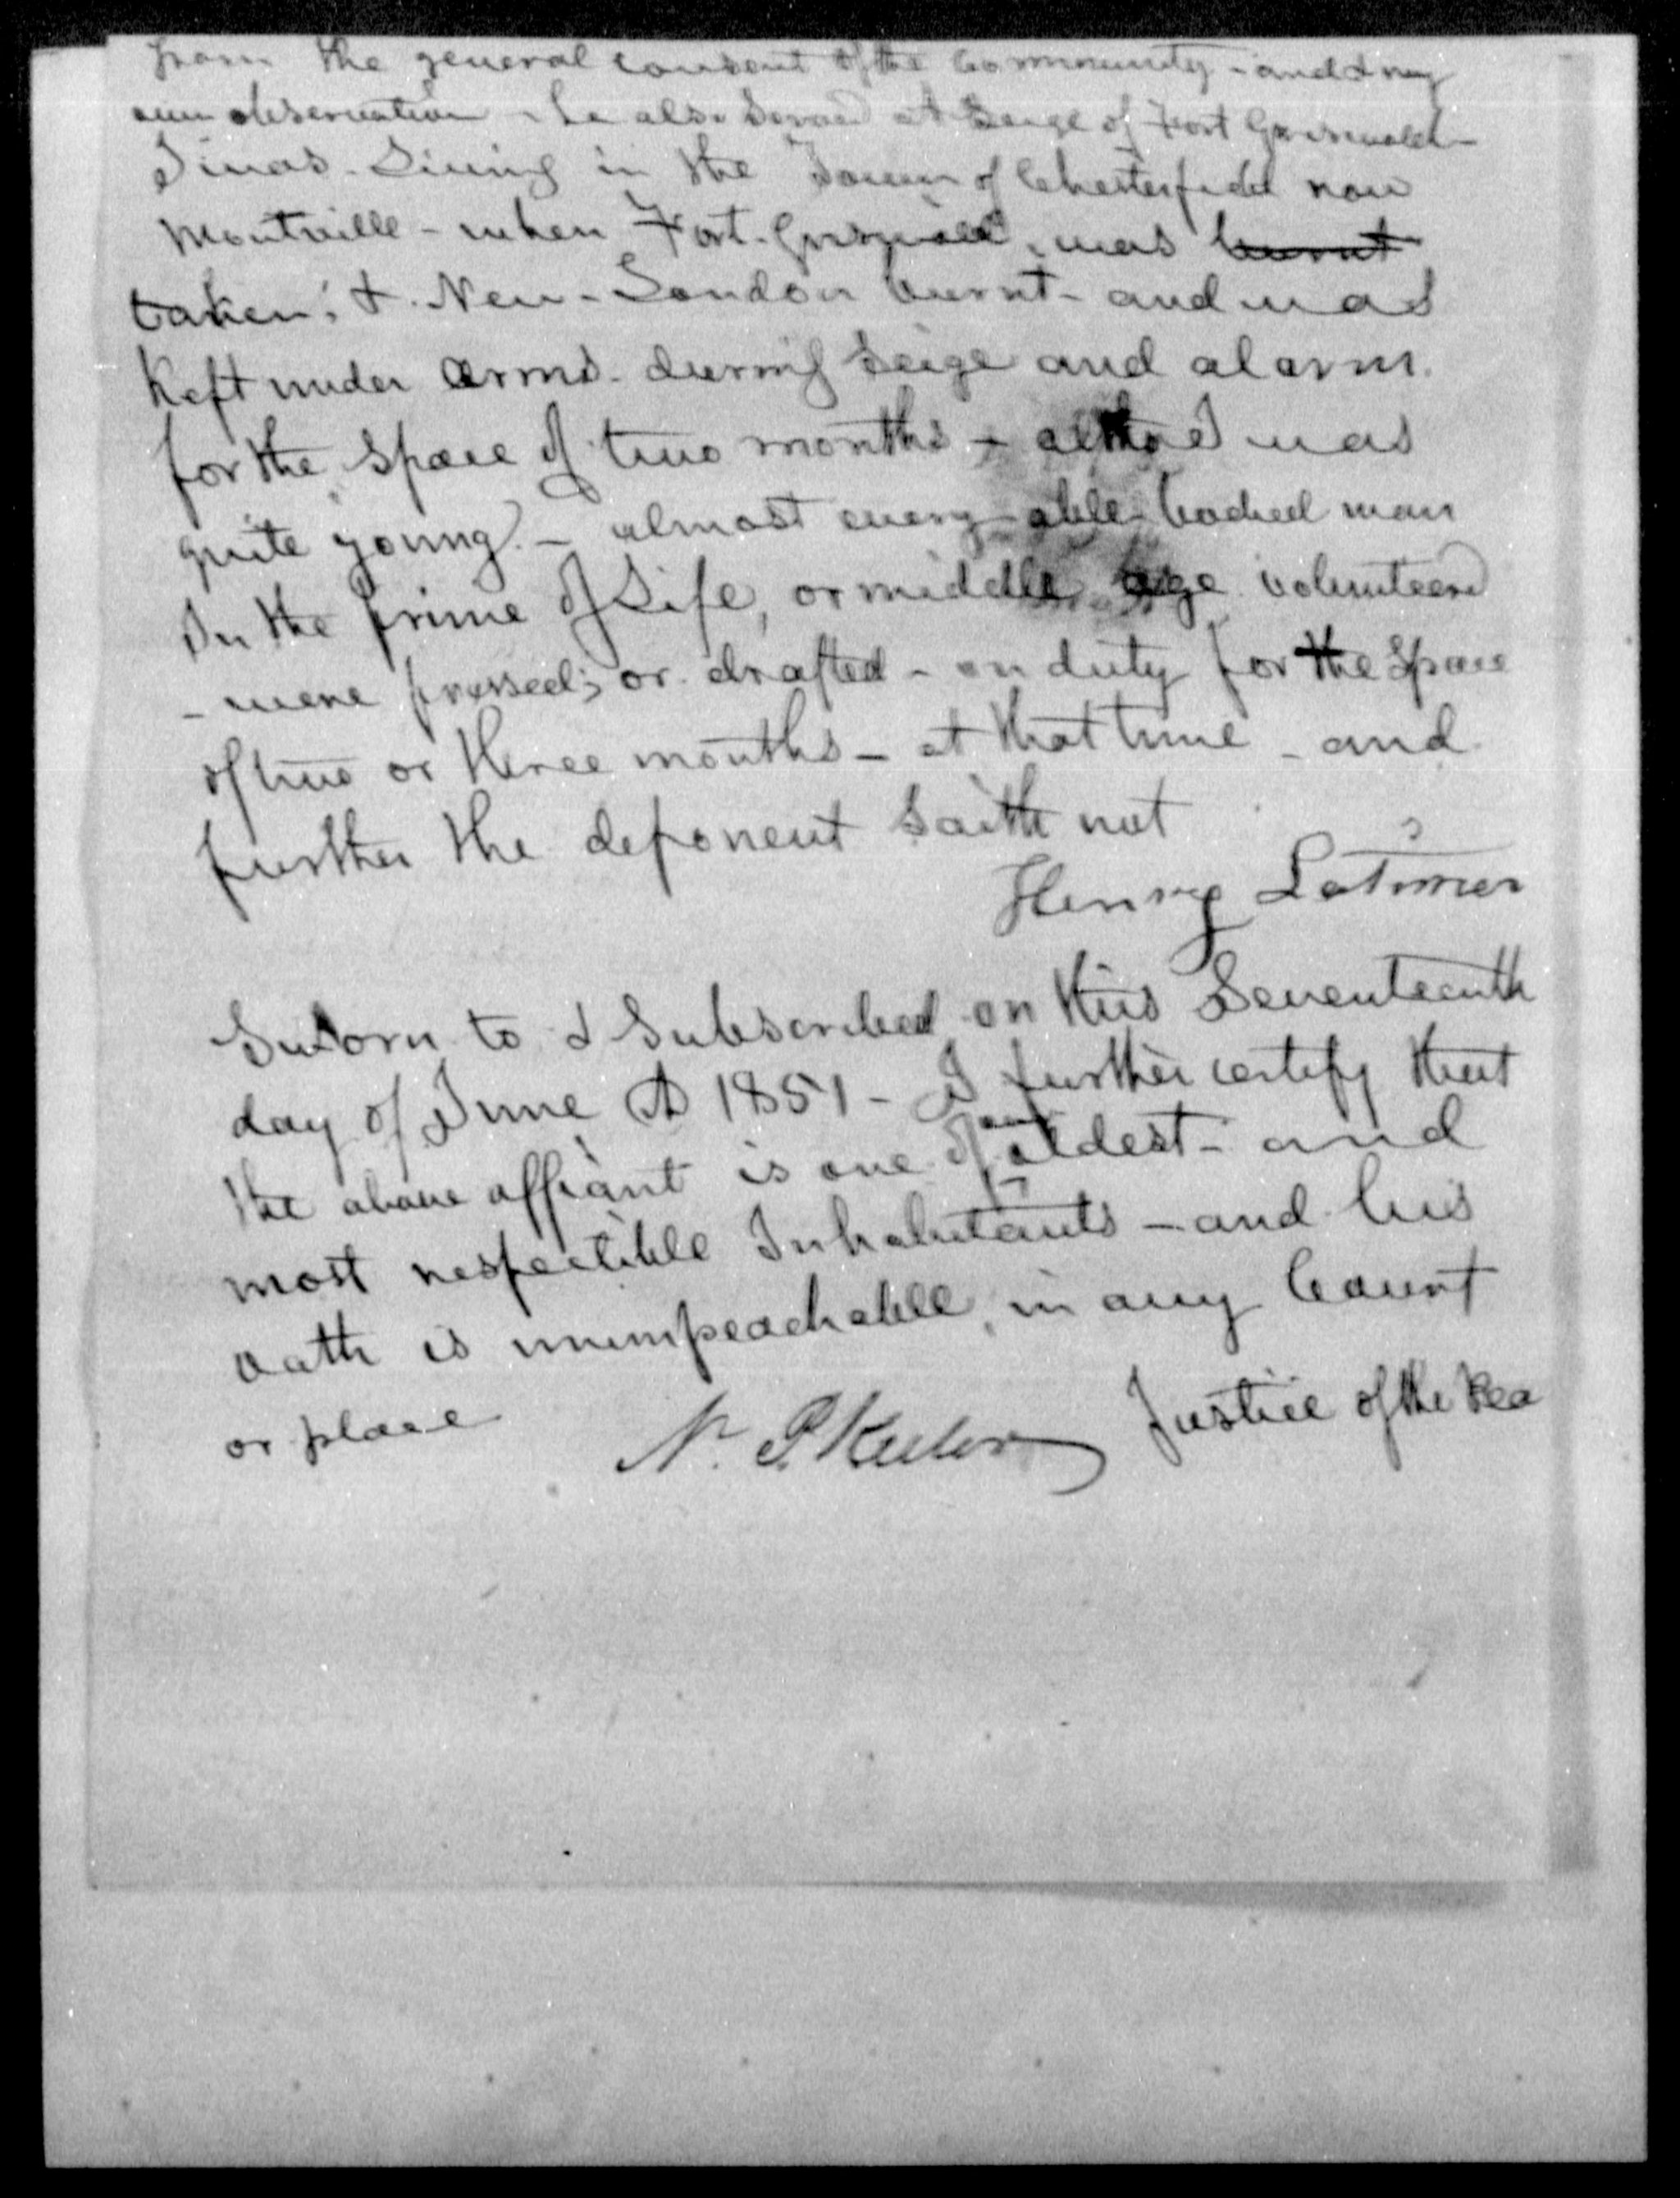the general consent the community and of my
own observation he also served at Siege of Fort Griswold.
I was living in the Town of Chester now
Montville, when Fort Griswold was
taken & New London burnt- and was
kept under arms during siege and alarm
for the space of two months. Altho I was
quite young, almost every able bodied man
in the prime of life, or middle age volunteered
were [???],  or drafted on duty for the space 
of two or three months- at that time and
further the deponent saith not

Henry Latimer

Sworn to & Subscribed, on this Seventeenth
day of June AD 1851.  I further certify that
the above affiant is one of our oldest, and
respectible Inhabitants, and his
oath is unimpeachable in any Court
or place.

N.P. Keeler
Justice of the Peace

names: N P Keeler; Henry Latimer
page: 27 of 30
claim: rejected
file: R. 8625, for Elisha Razar, Connecticut